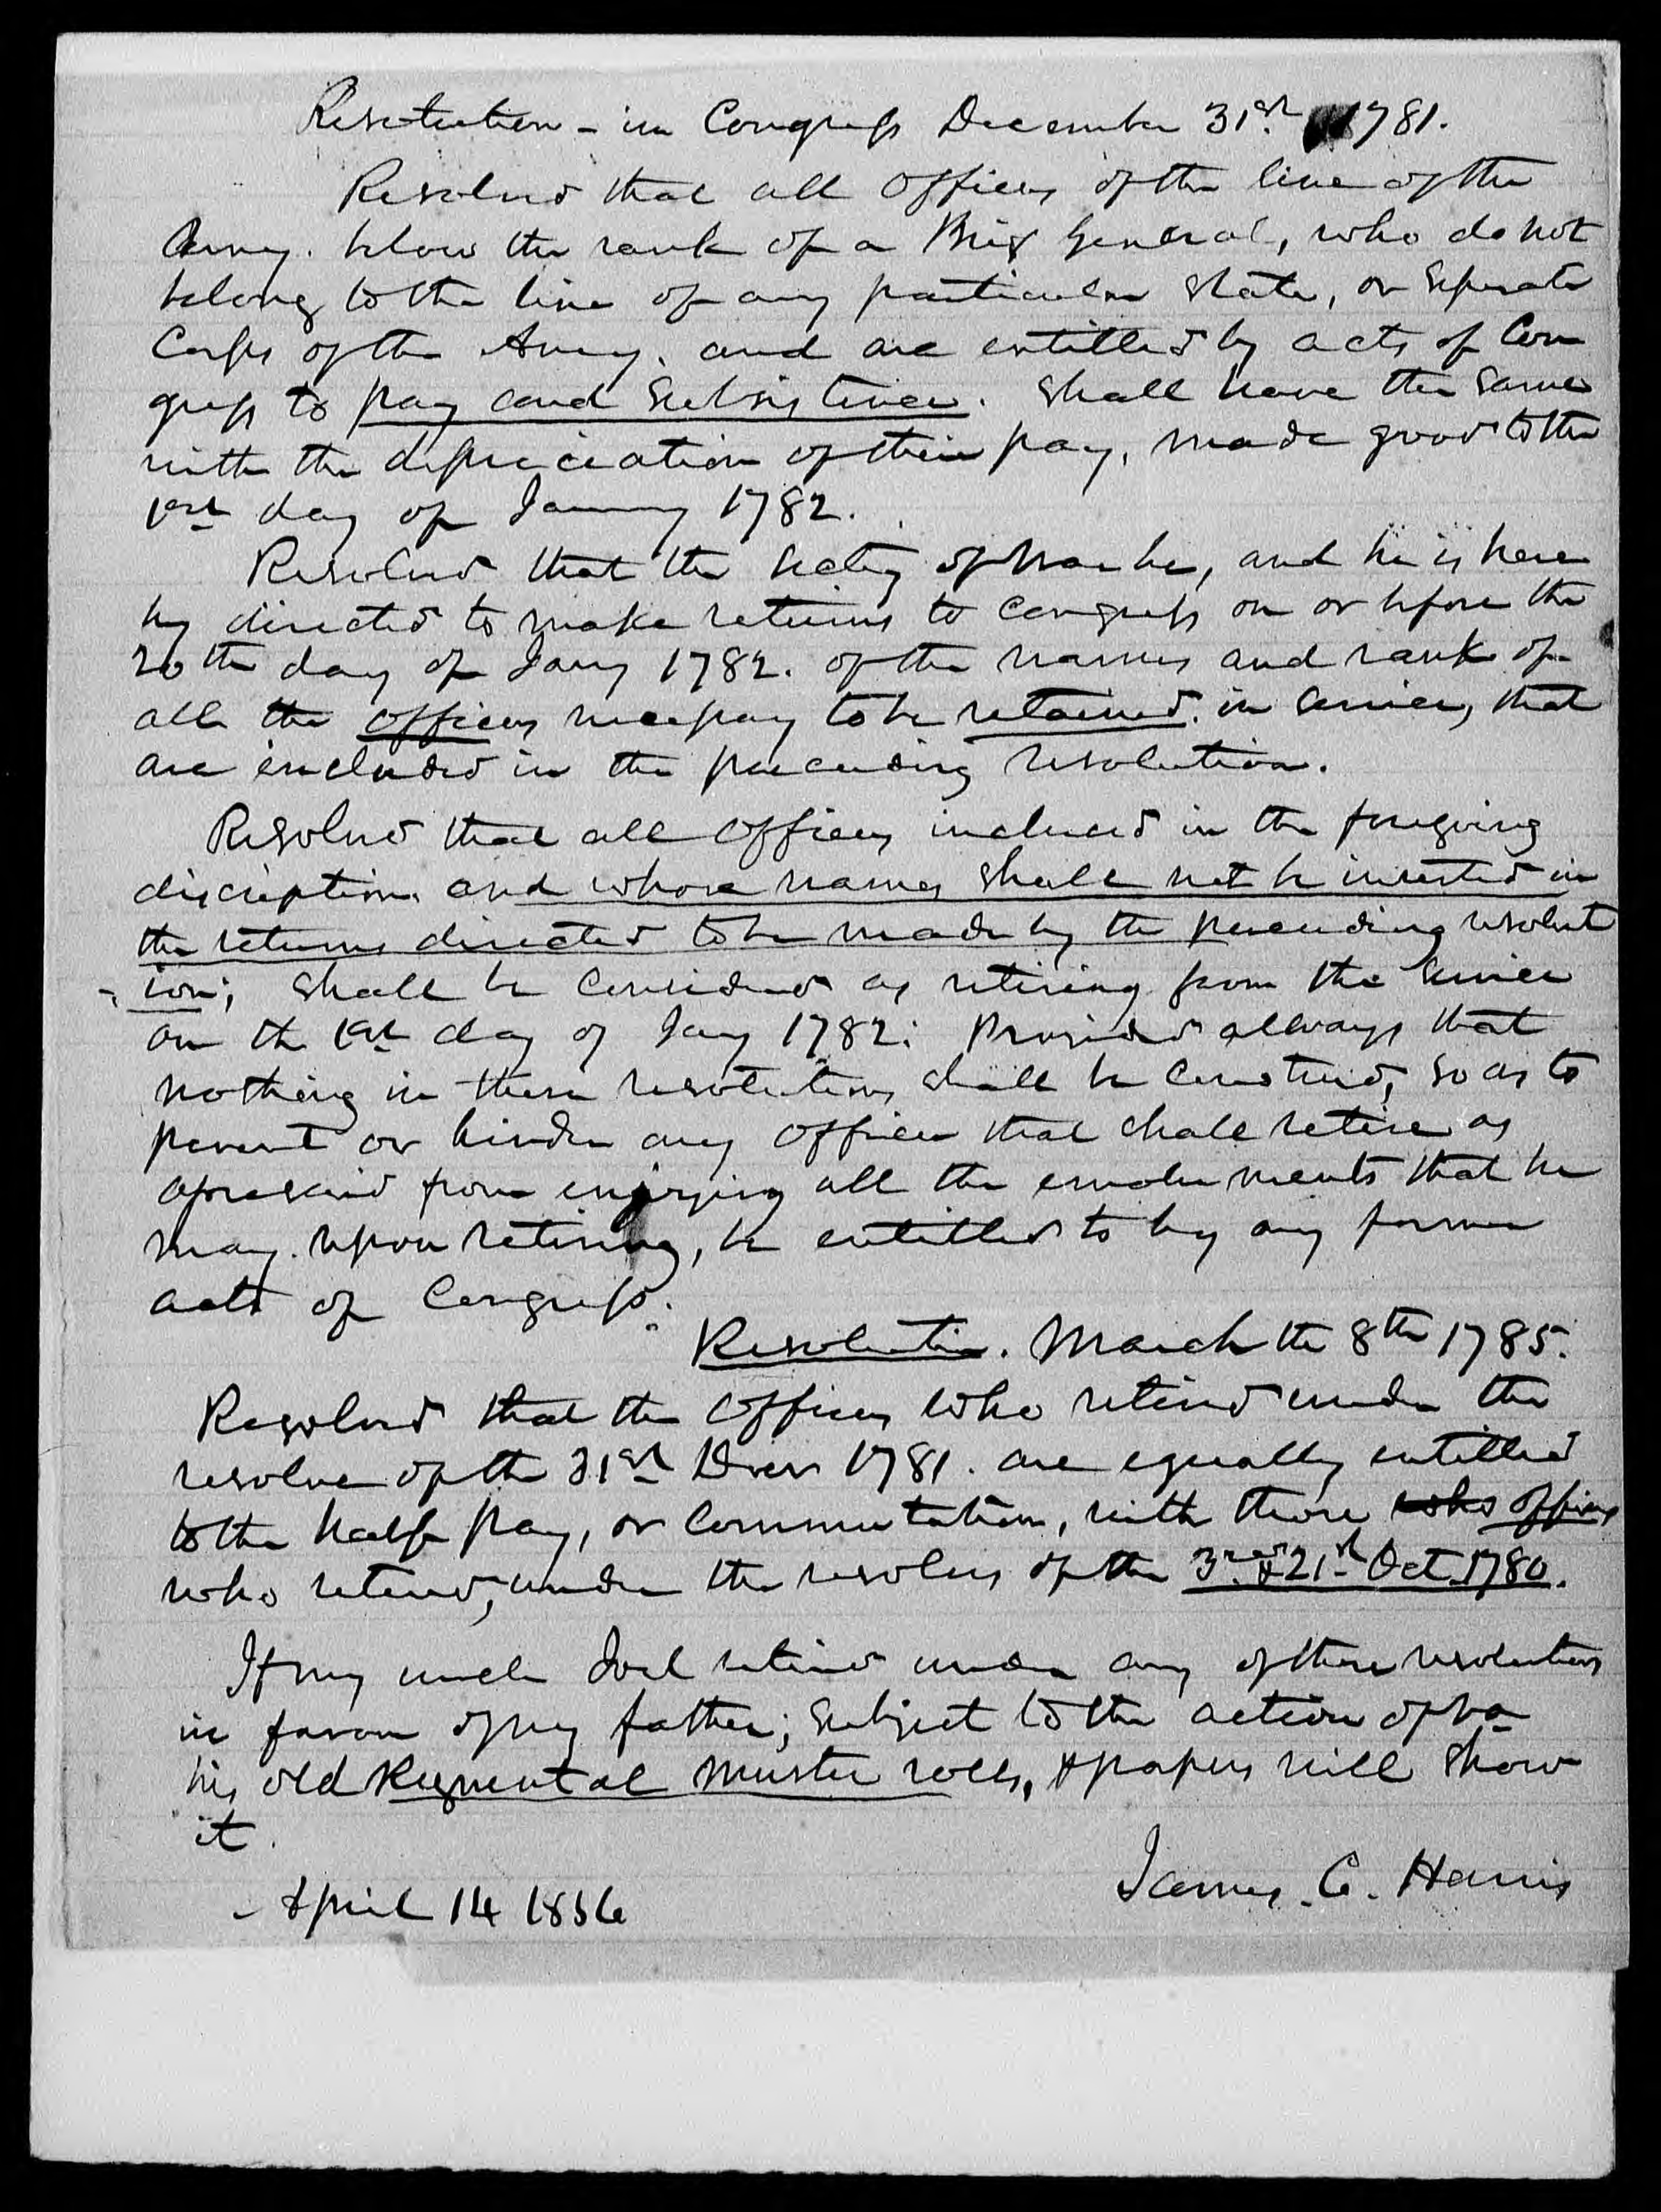Resolution in Congress December 31st {1}781

Resolved that all officers of the line of the Army below the rank of a Brig General, who do not belong to the line of any particular State, or separate Corps or the Army, and are entitled by acts of Congress to pay and subsistence shall have the same with the depreciation of their pay, made good to the 1st day of January 1782.
Resolved that the Secty of War be, and he is hereby directed to make returns to Congress on or before the 20th day of Jany 1782 of the names and rank of all the officers necessary to be retained in armies, that are included in the preceeding [sic] resolution.
Resolved that all officers included in the forgoing discription [sic] and whose names shall not be inserted in the returns directed to be made by the preceeding [sic] resolution, shall be considered as retiring from the armies on the 1st day of Jany 1782, provided always that nothing in these resolutions shall be construed so as to prevent or hinder any officer that shall retire as aforesaid from enjoying all the emoluments that he may upon retiring be entitled to by any former acts of Congress.
Resolution.  March the 8th 1785.
Resolved that the officers who retired under the resolve of the 31st Decr 1781 are equally entitled to the half pay, or commutation, with those [marked through: who office] who retired under the resolves of the 3rd & 21st Oct 1780.
If my uncle Joel retired under any of these resolutions in favor of my father, subject to the action of Va his old Regimental muster roll & papers will show it.
April 14 1856  James C. Harris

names: James C Harris, Joel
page: 67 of 160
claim: rejected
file: R. 4666, James Harris, Va.